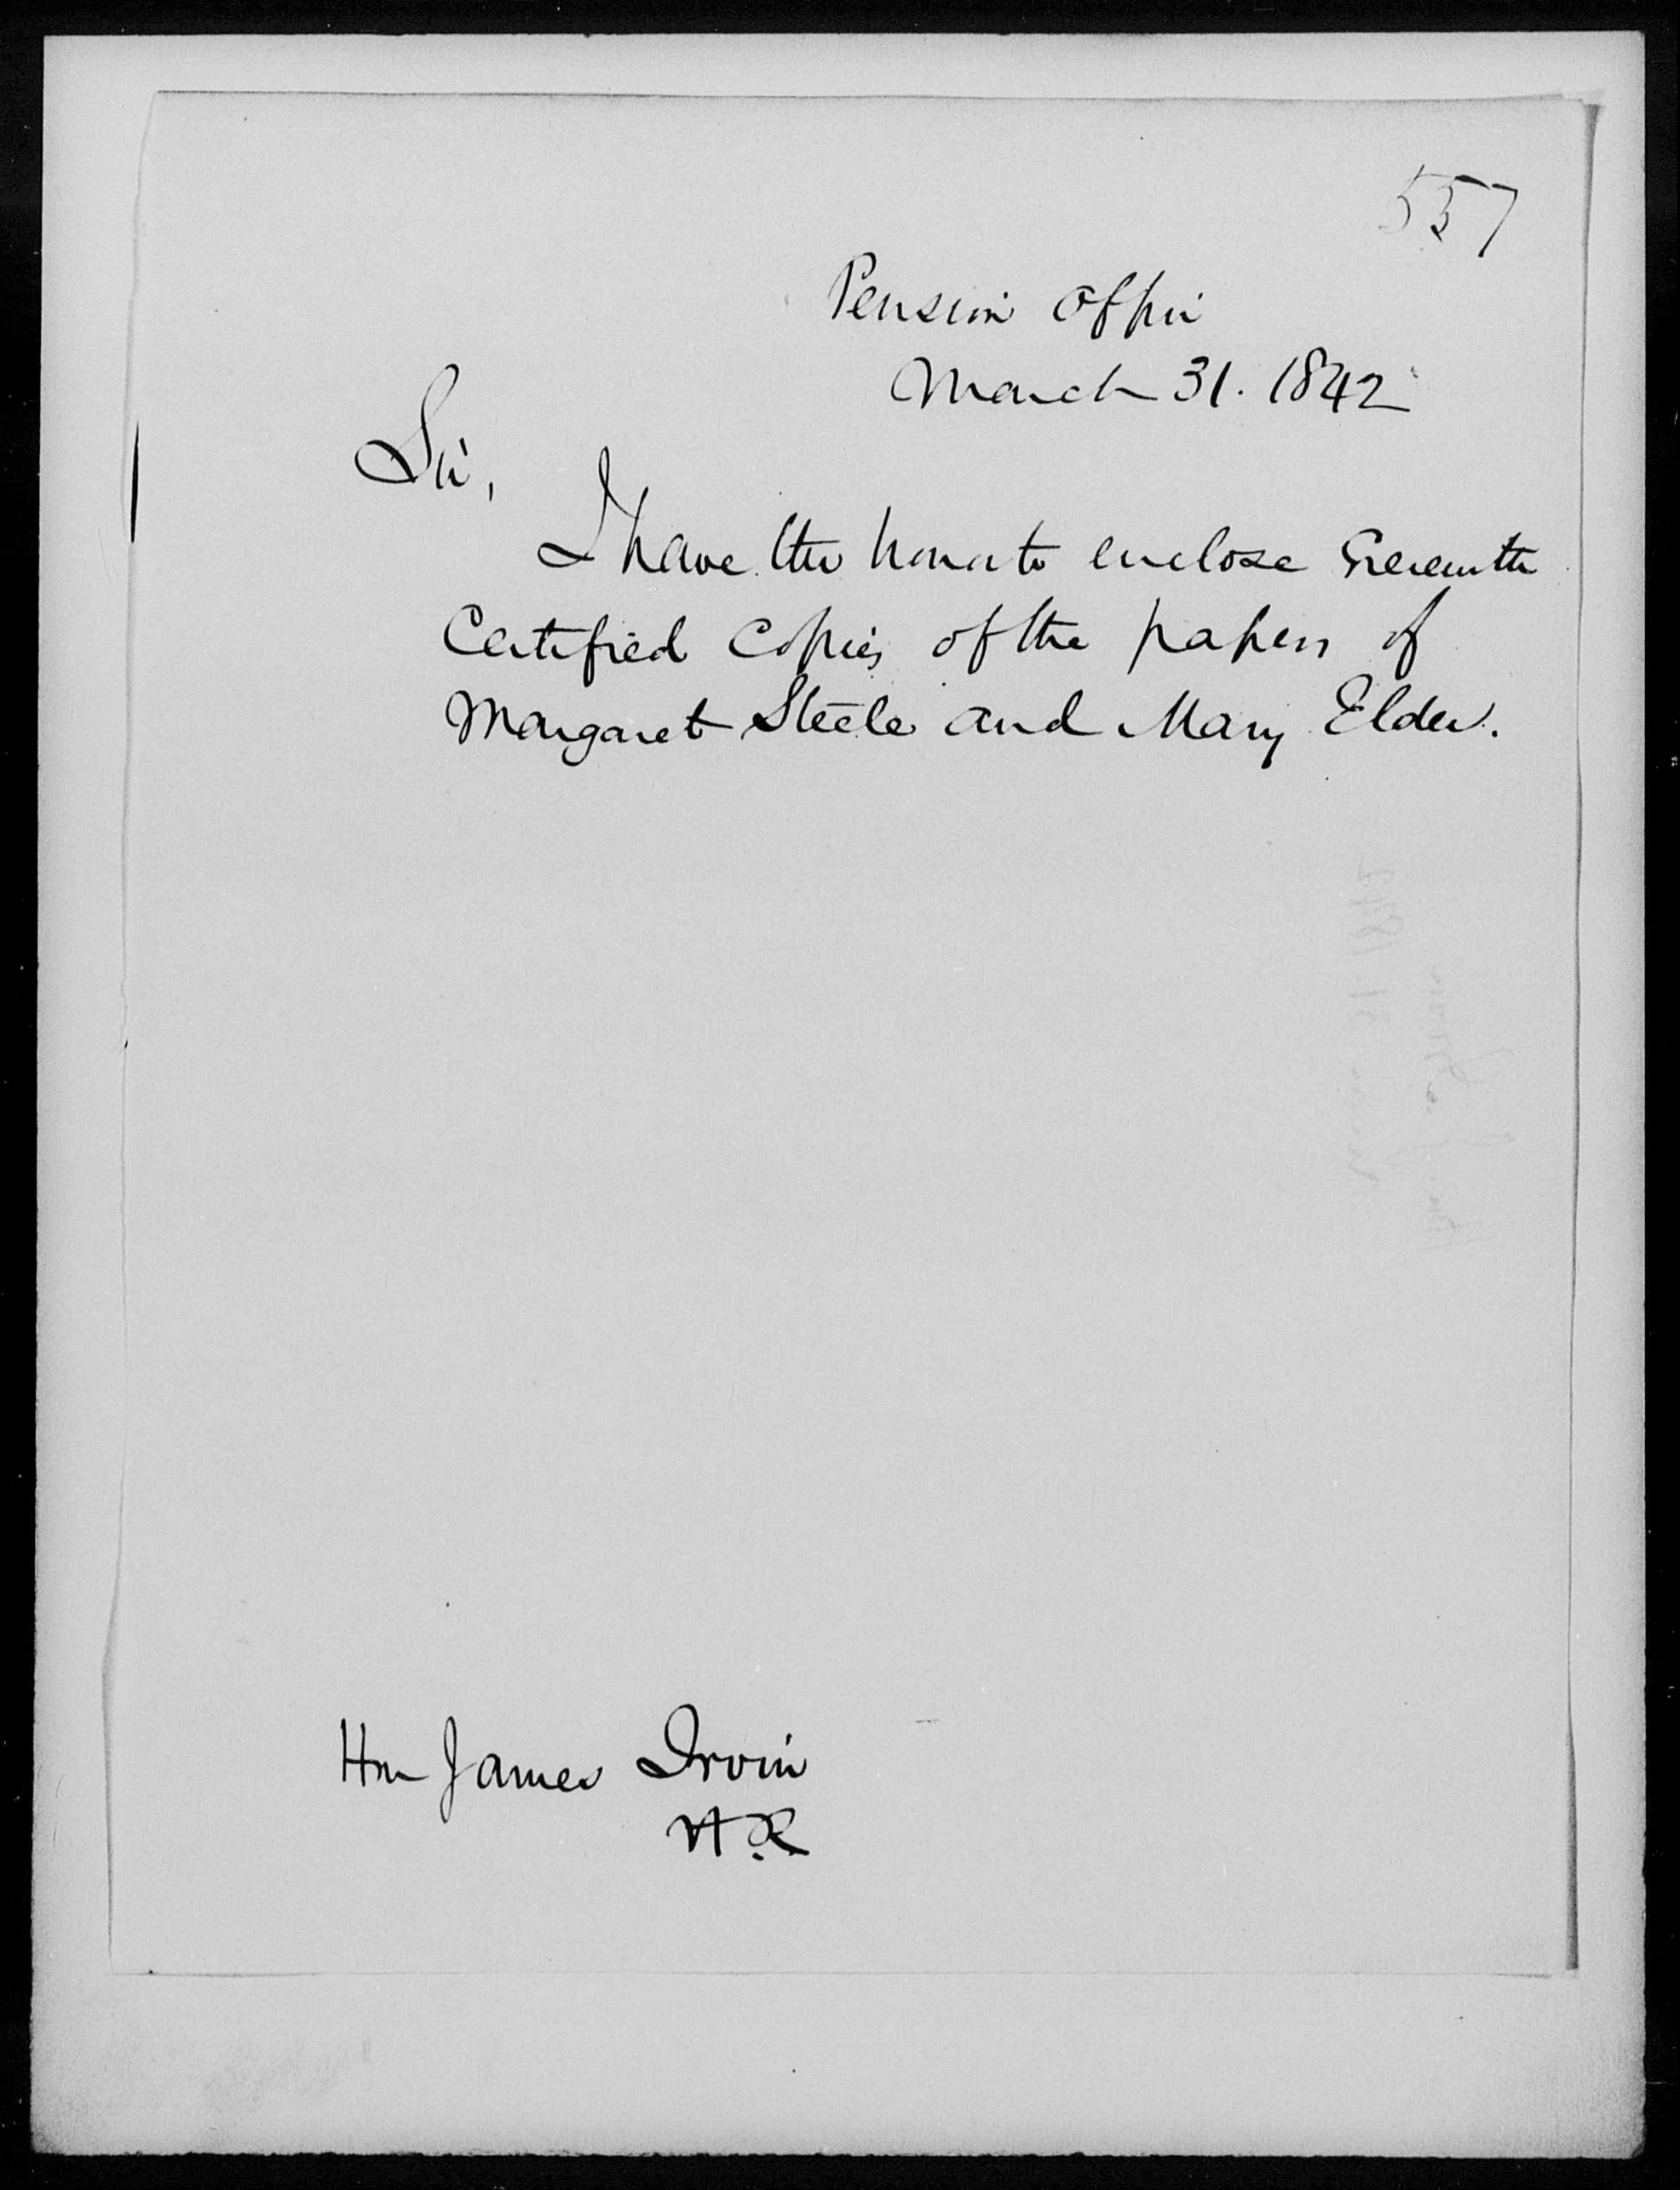Pension Office           
  Sir,                                    March 31 1842         
     I have the honor to enclose  herewith  certified copies of the papers of Margaret Steele and Mary Elder.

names: Margaret Steele, Mary Elder, James Irvin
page: 52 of 80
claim: widow's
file: W. 24117, John Elder, Penn.